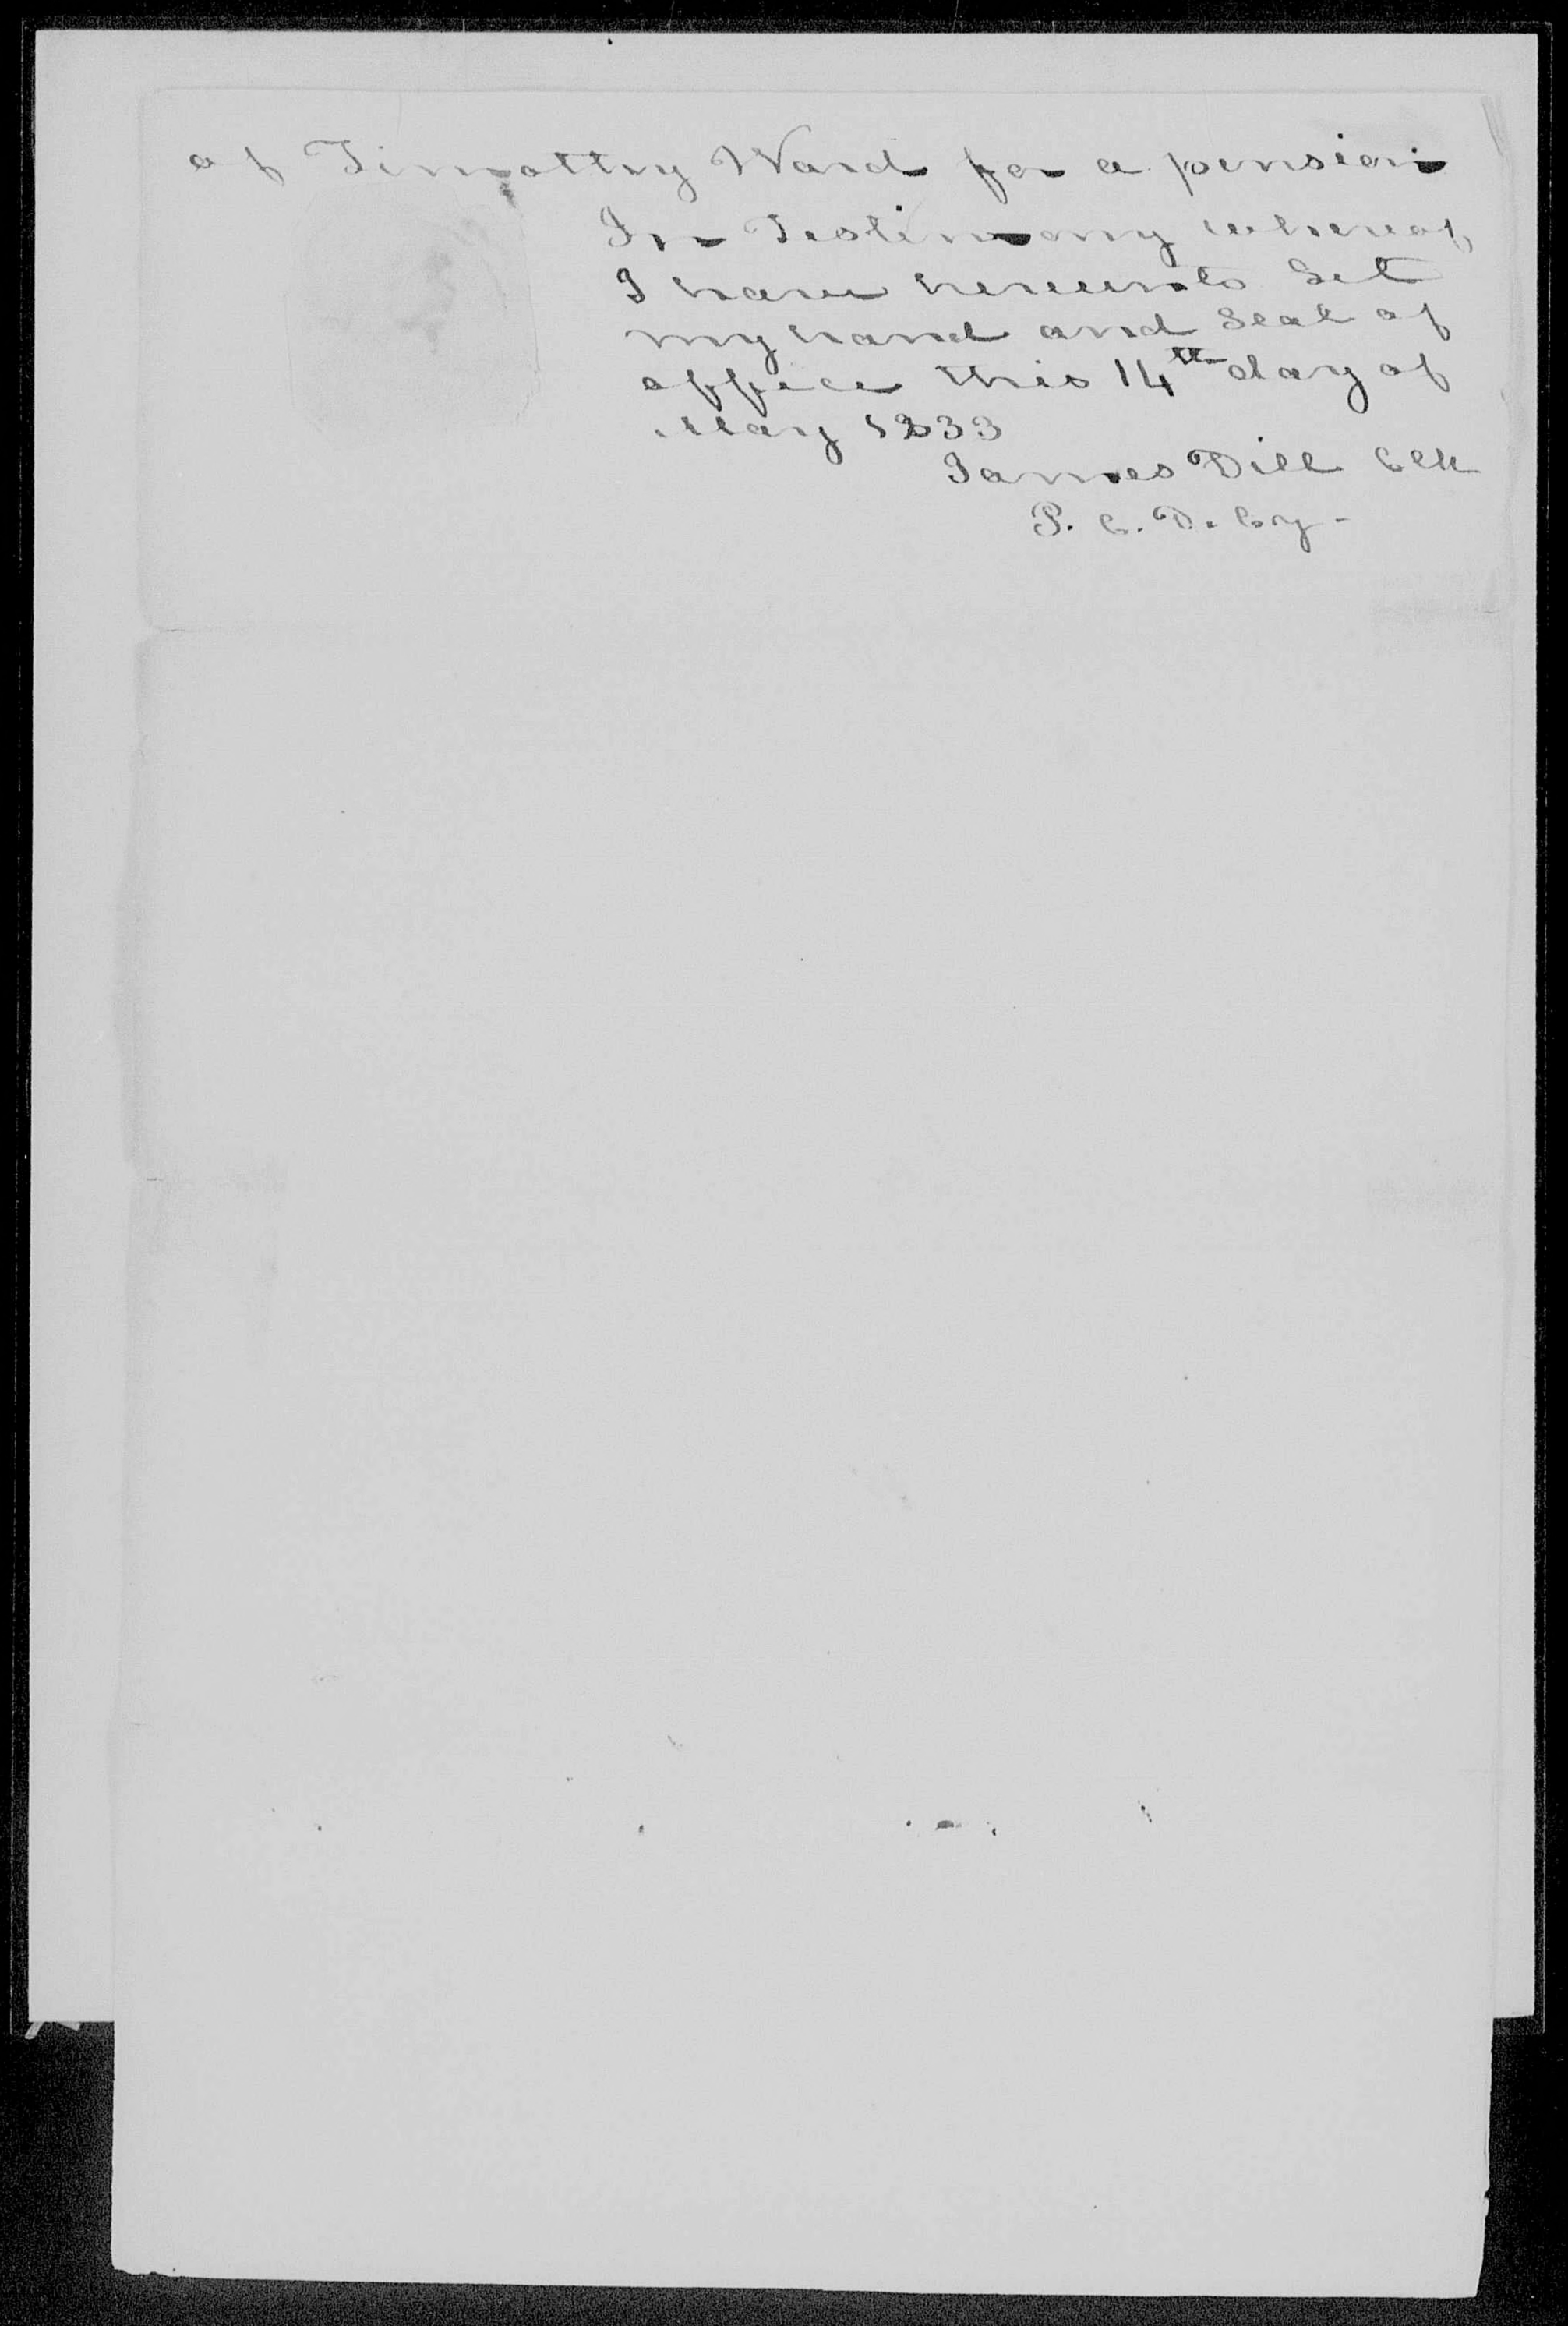of Timothy Ward for a pension
In testimony whereof I have hereunto Set my hand and Seal of office this 14th day of May  1833
James Dill Clk
J. C. D.  Cory -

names: Timothy Ward, James Dill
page: 20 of 24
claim: survivor's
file: S. 17751, Timothy Ward, New Jersey